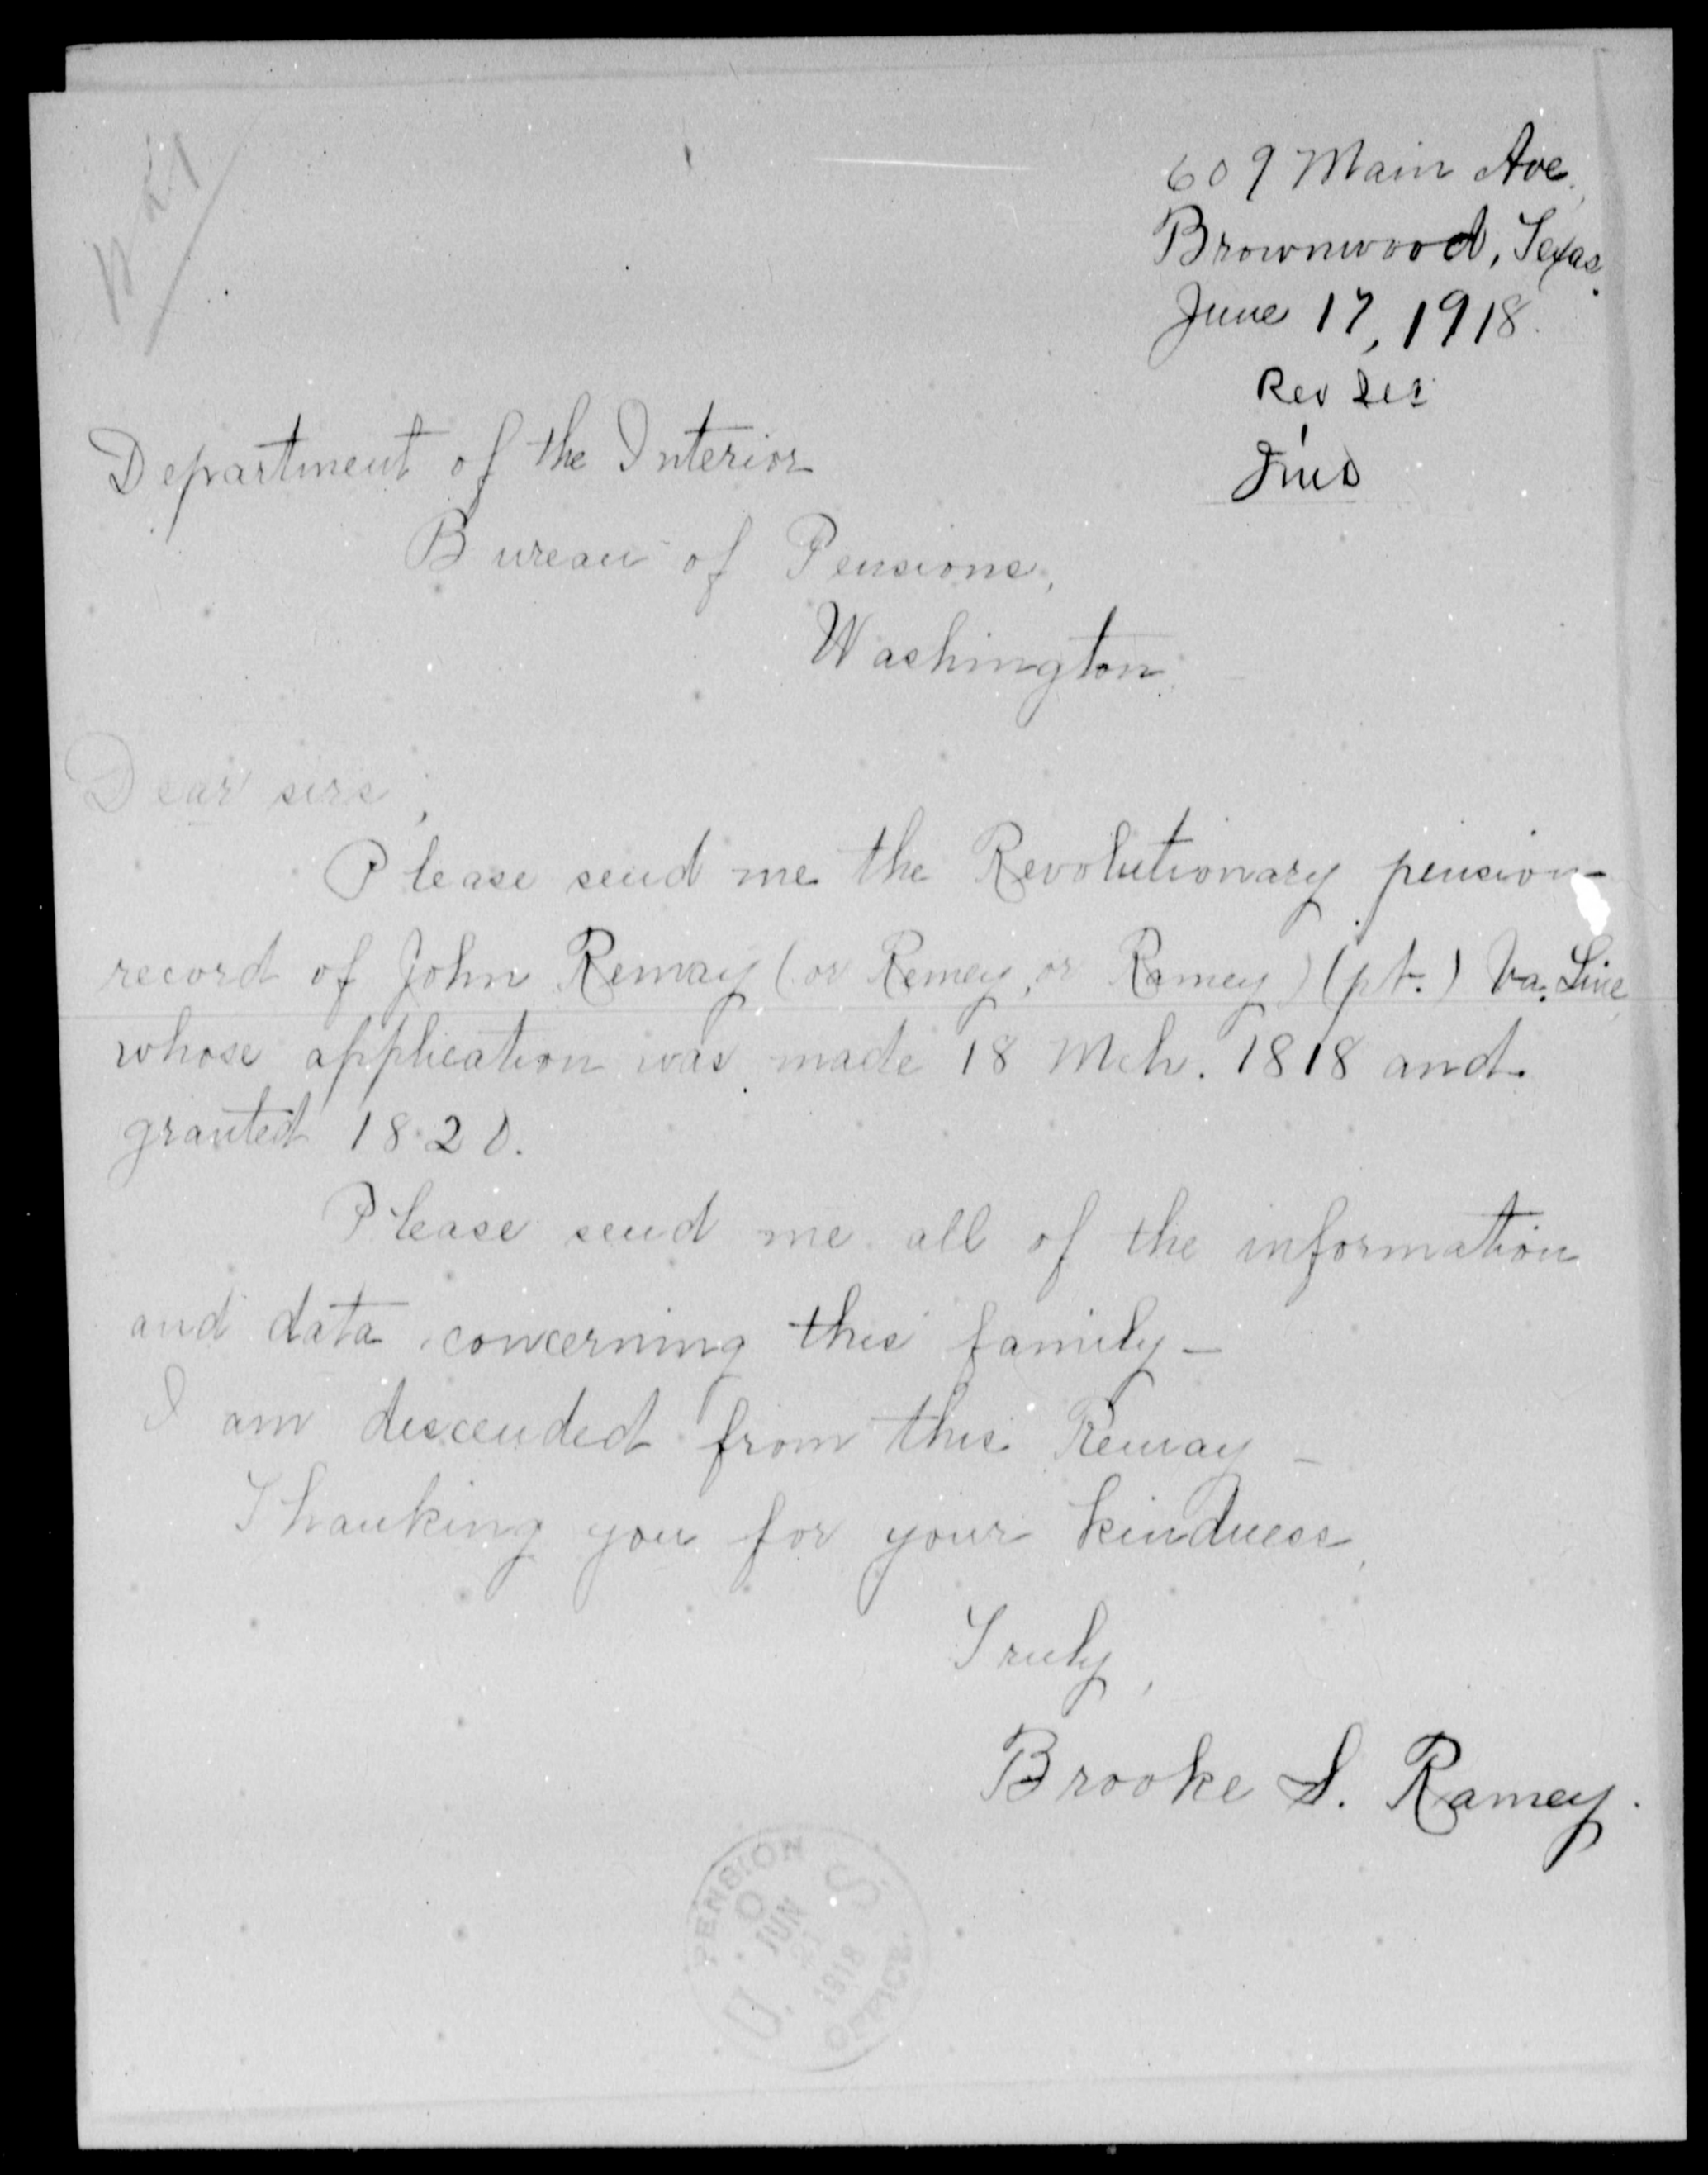609 Main Ave.,
Brownwood, Texas.
June 17, 1918.
Rev Sec
Jms
Department of the Interior
Bureau of Pensions,
Washington.
Dear sirs;
Please send me the Revolutionary pension record of John Remay (or Remey or Ramey) (pt.) Va. Line, whose application was made 18 Mch. 1818 and granted 1820.
Please send me all of the information and data concerning the family-
I am descended from the Remay-
Thanking you for your kindness,
Truly,
Brooke S. Ramey.

U. S. PENSION OFFICE. O
JUN 21 1918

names: Brooke S Ramey; John Remey; John Remay; John Ramey; [BLANK] Remay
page: 62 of 84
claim: widow's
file: W.11104, for John Remay, Virginia